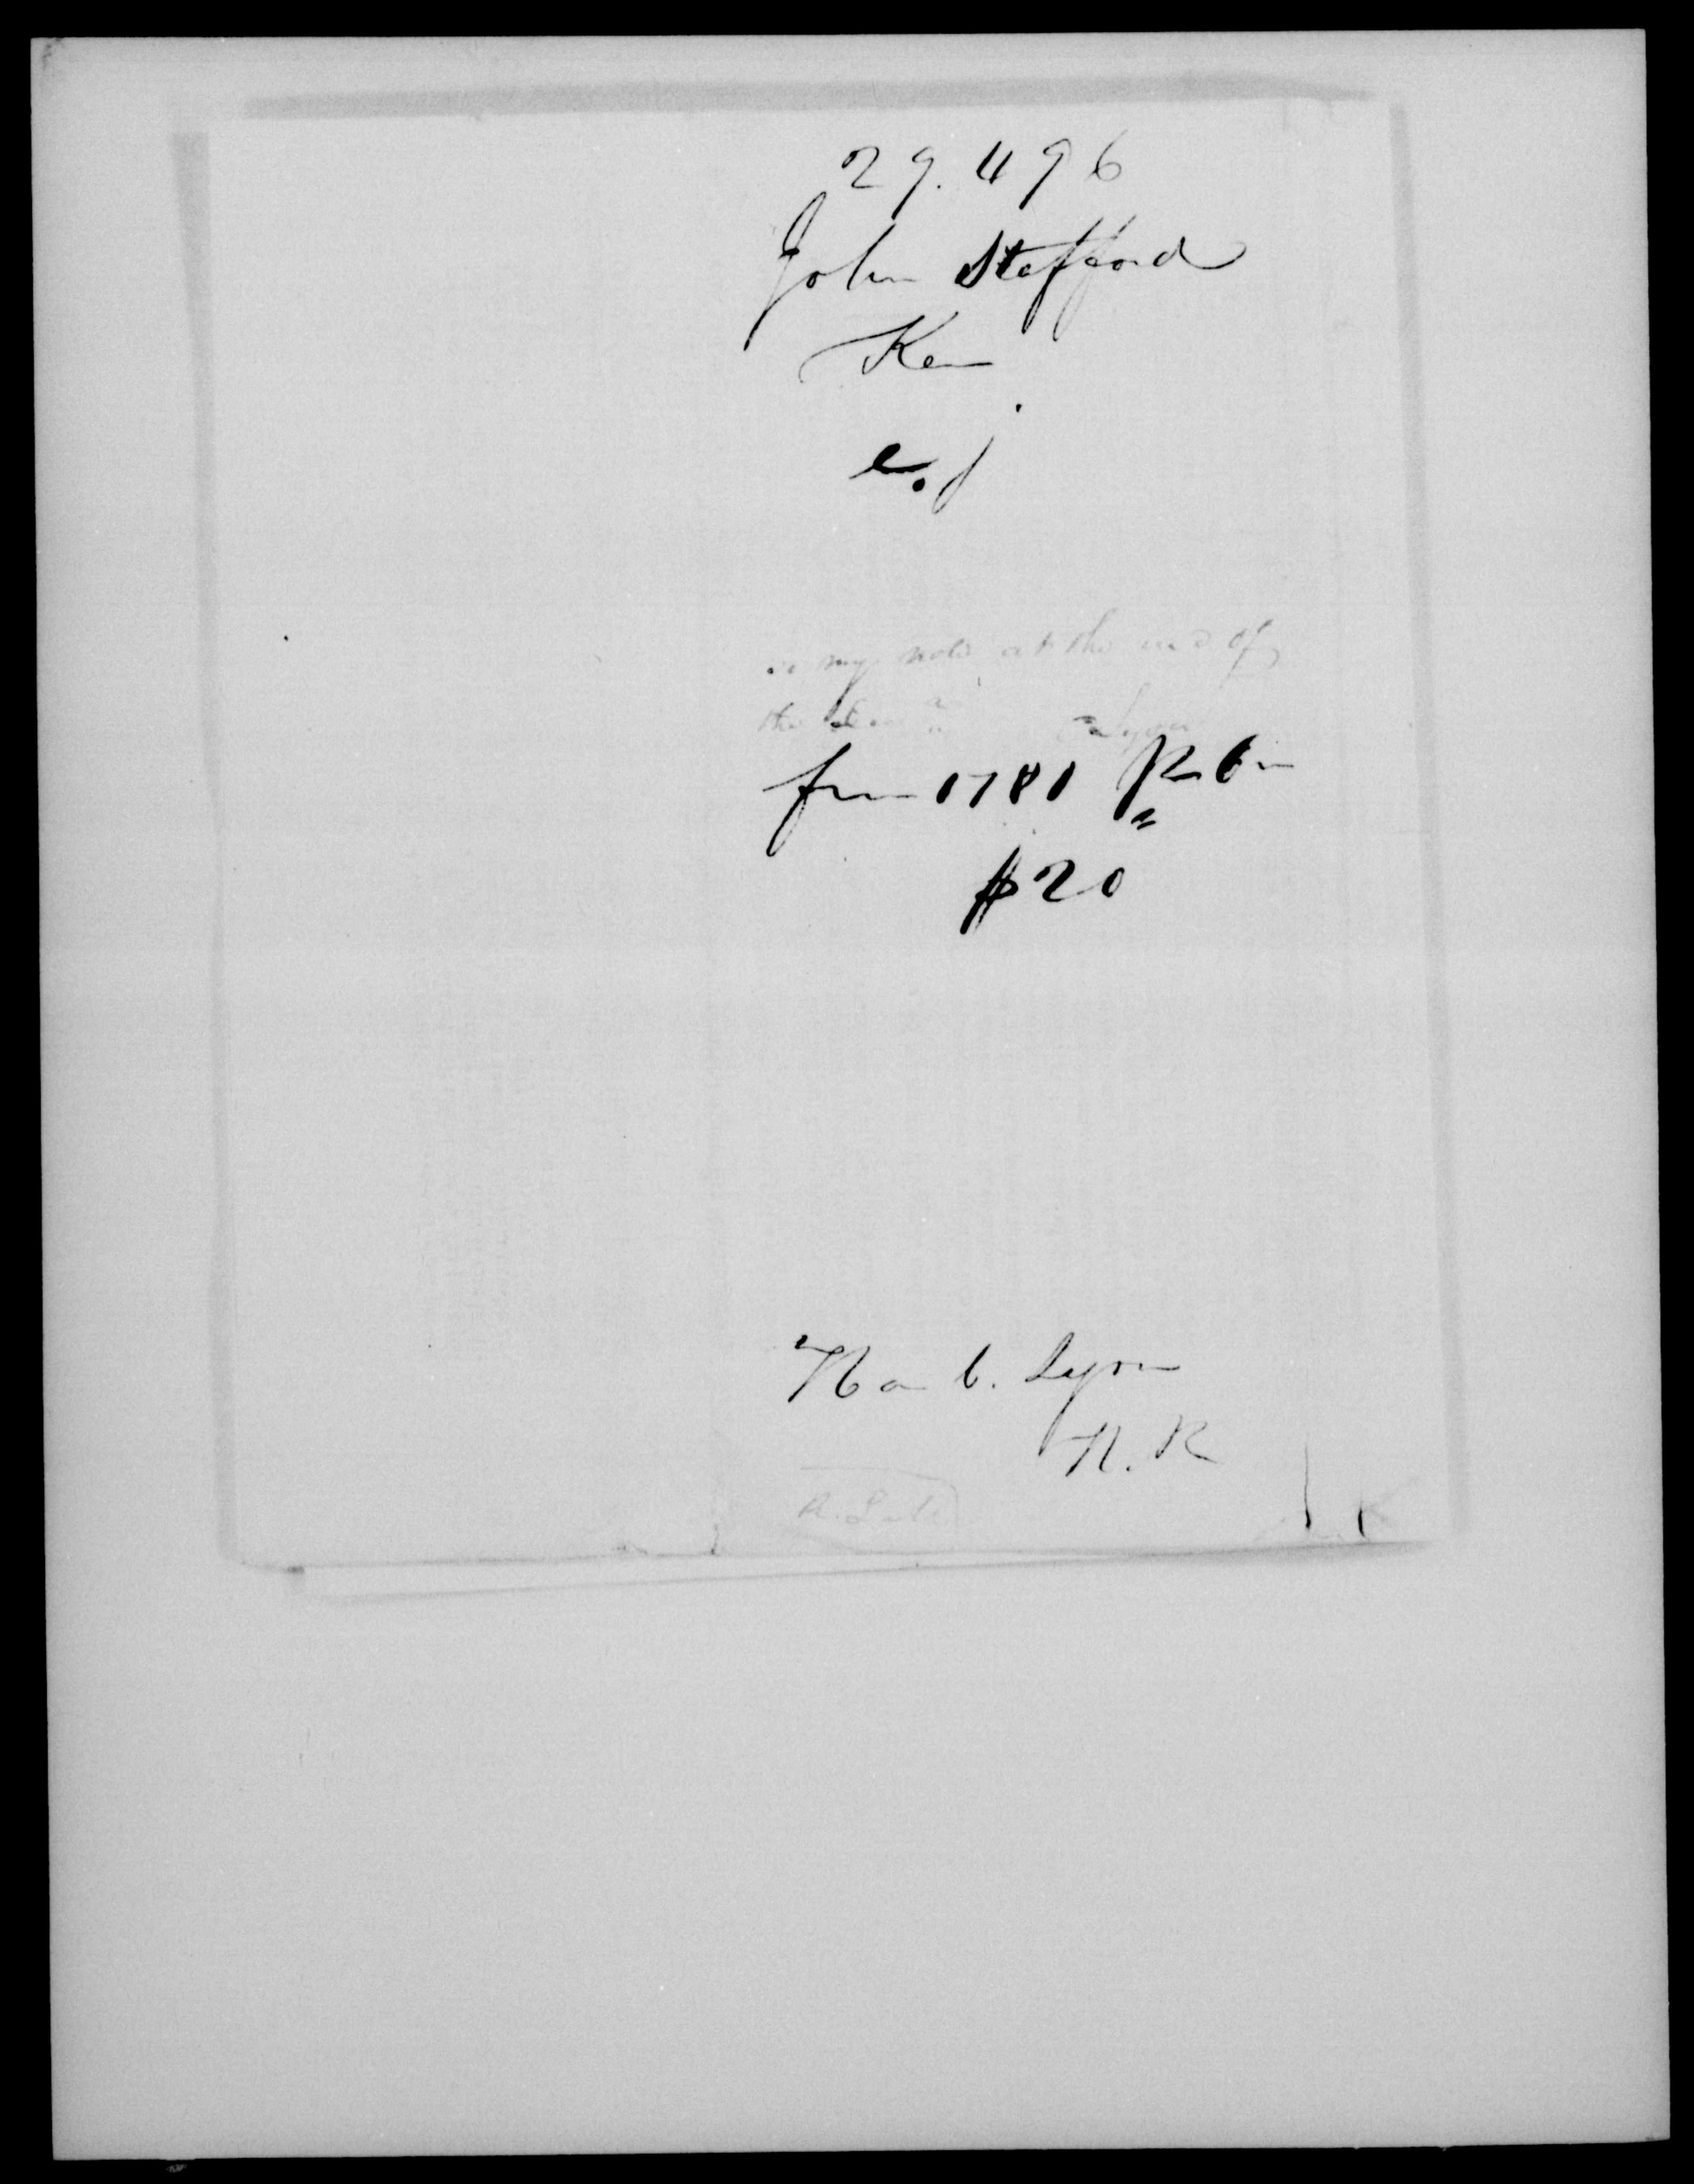27476
John Stafford 
Ken 

e. j

is my nols[?] at the end of the [unreadable]
			Lyon
from 1780 puCn[?]
$20


Na C. Lyon
N.R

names: John Stafford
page: 9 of 61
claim: widow's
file: W. 11554, for John Stafford, Maryland